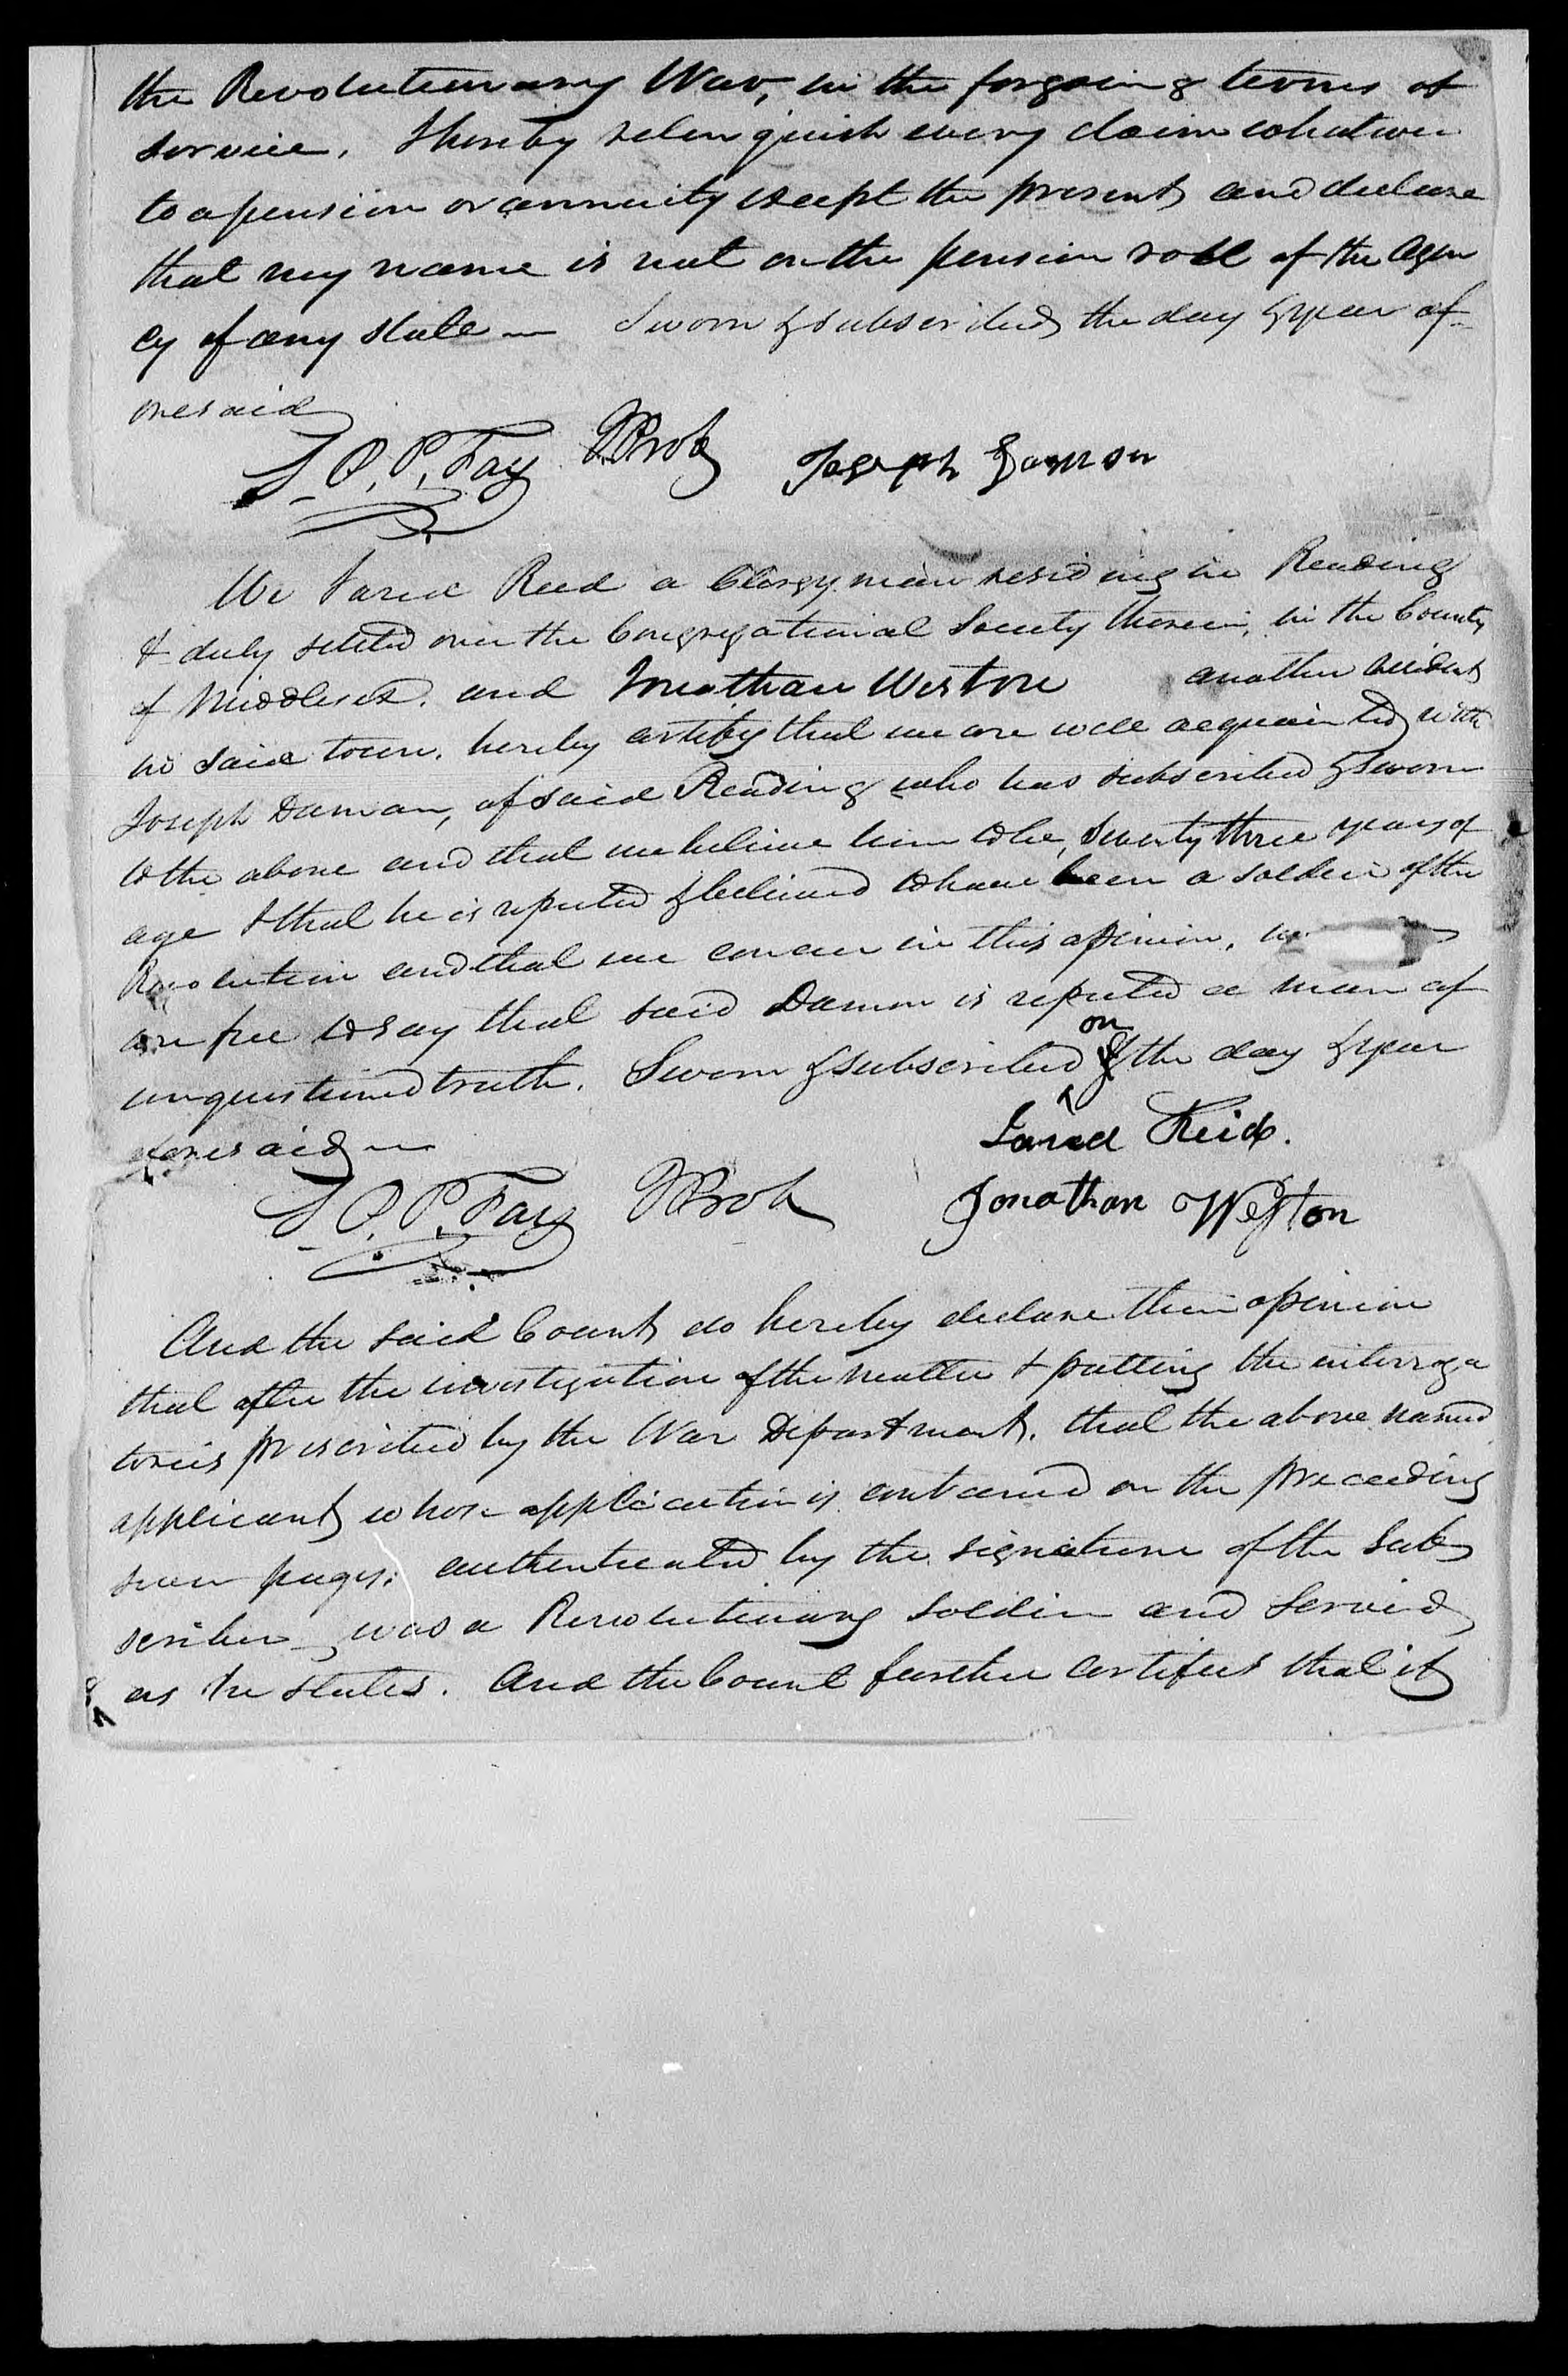the Revolutionary War, in the foregoing terms of service. Thereby relinquish every claim whatever to a pension or annuity except the present, and declare that my name is not on the pension roll of the Agency of any State - Sworn & subscribed the day & year aforesaid.
S P P Fay JProb        Joseph Damon

We Jared Reed a Clergyman residing in Reading & duly        over the Congregational Society therein, in the County of Middlesex, and Jonathan Weston another residing in said town hereby certify that we are well acquainted with Joseph Damon, of said Reading who has subscribed & sworn to the above and that we believe him to be Seventy three Years of age that he is reputed & believed to have been a soldier of the Revolution and that we concur in this opinion,            are true & say that said Damon is reputed a man of unquestioned truth. Sworn & subscribed on the fifth day of year aforesaid --
S P P Fay JProb      Jared Reid Jonathan Weston

And the said Courts do hereby declare their opinion that after the investigation of the matter & putting the interrogatories prescribed by the War Department, that the above named applicant whose application is contained on the preceding seven pages, authenticated by the signature of the subscriber, was a Revolutionary Soldier and Served as he States. And the Court further certified that it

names: S P P Fay, Damon, Jonathan Weston, S P P Fay, Jonathan Weston, Joseph Damon, Jared Reed, Jared Reid, Joseph Damon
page: 9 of 28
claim: survivor's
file: S. 17376, Joseph Damon, Continental Mass.